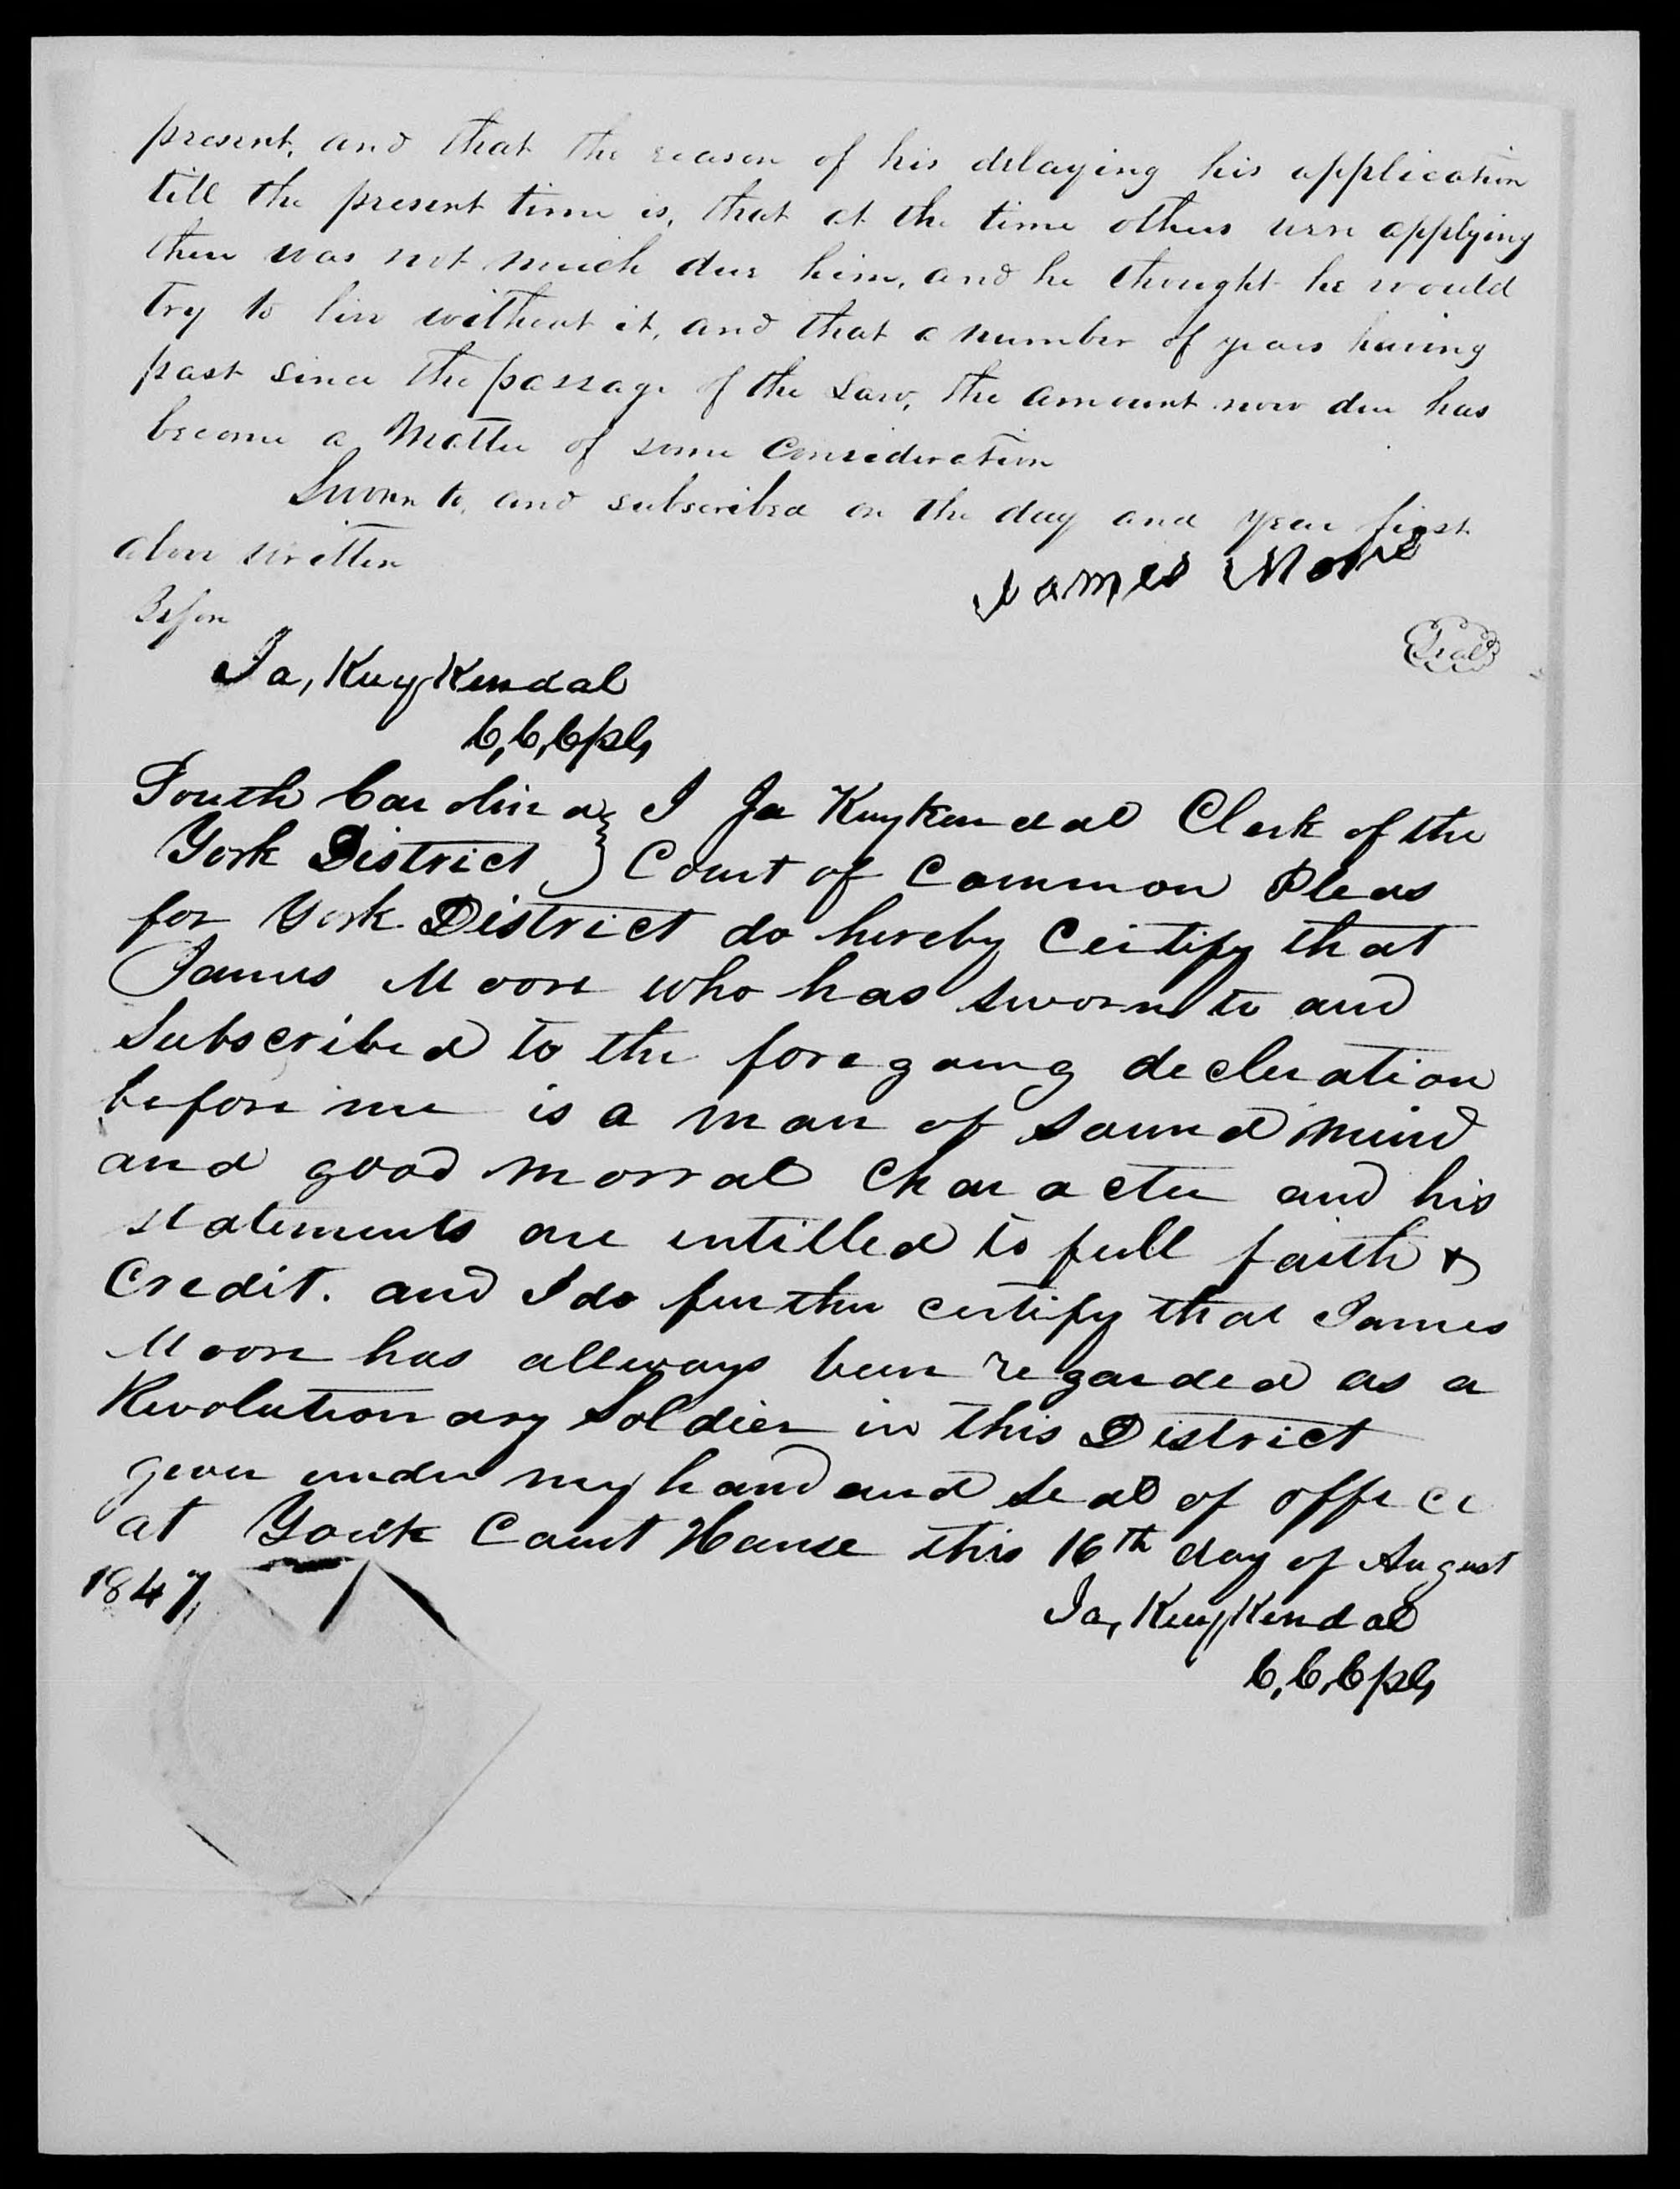present and that the reason of his delaying his application till the present time is that at the time others were applying there was not much due him and he thought he would try to live without it and that a number of years having past since the passage of the law the amount now due has become a matter of some consideration
Sworn to and subscribed on the day and year first above written James More seal

before
Ja Kery Kendall
CCCpls

South Carolina 
York District } I Ja Kery Kendal Clerk of the court of Common Pleas for York District do hereby certify that James Moore who has sown to and subscribed to the foregoing declaration before me is a man of sound mind and good morral character and his statements are entitled to full faith & credit and I do further certify that James Moore has allways been regarded as a Revolutionary Soldier in this District given under my hand and seal of office at York Court House this 16th day of August 1847
Ja Kery Kendall
CCCPls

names: Ja Kery Kendal; James Moore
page: 4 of 17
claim: rejected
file: R 7329, for James More, South Carolina